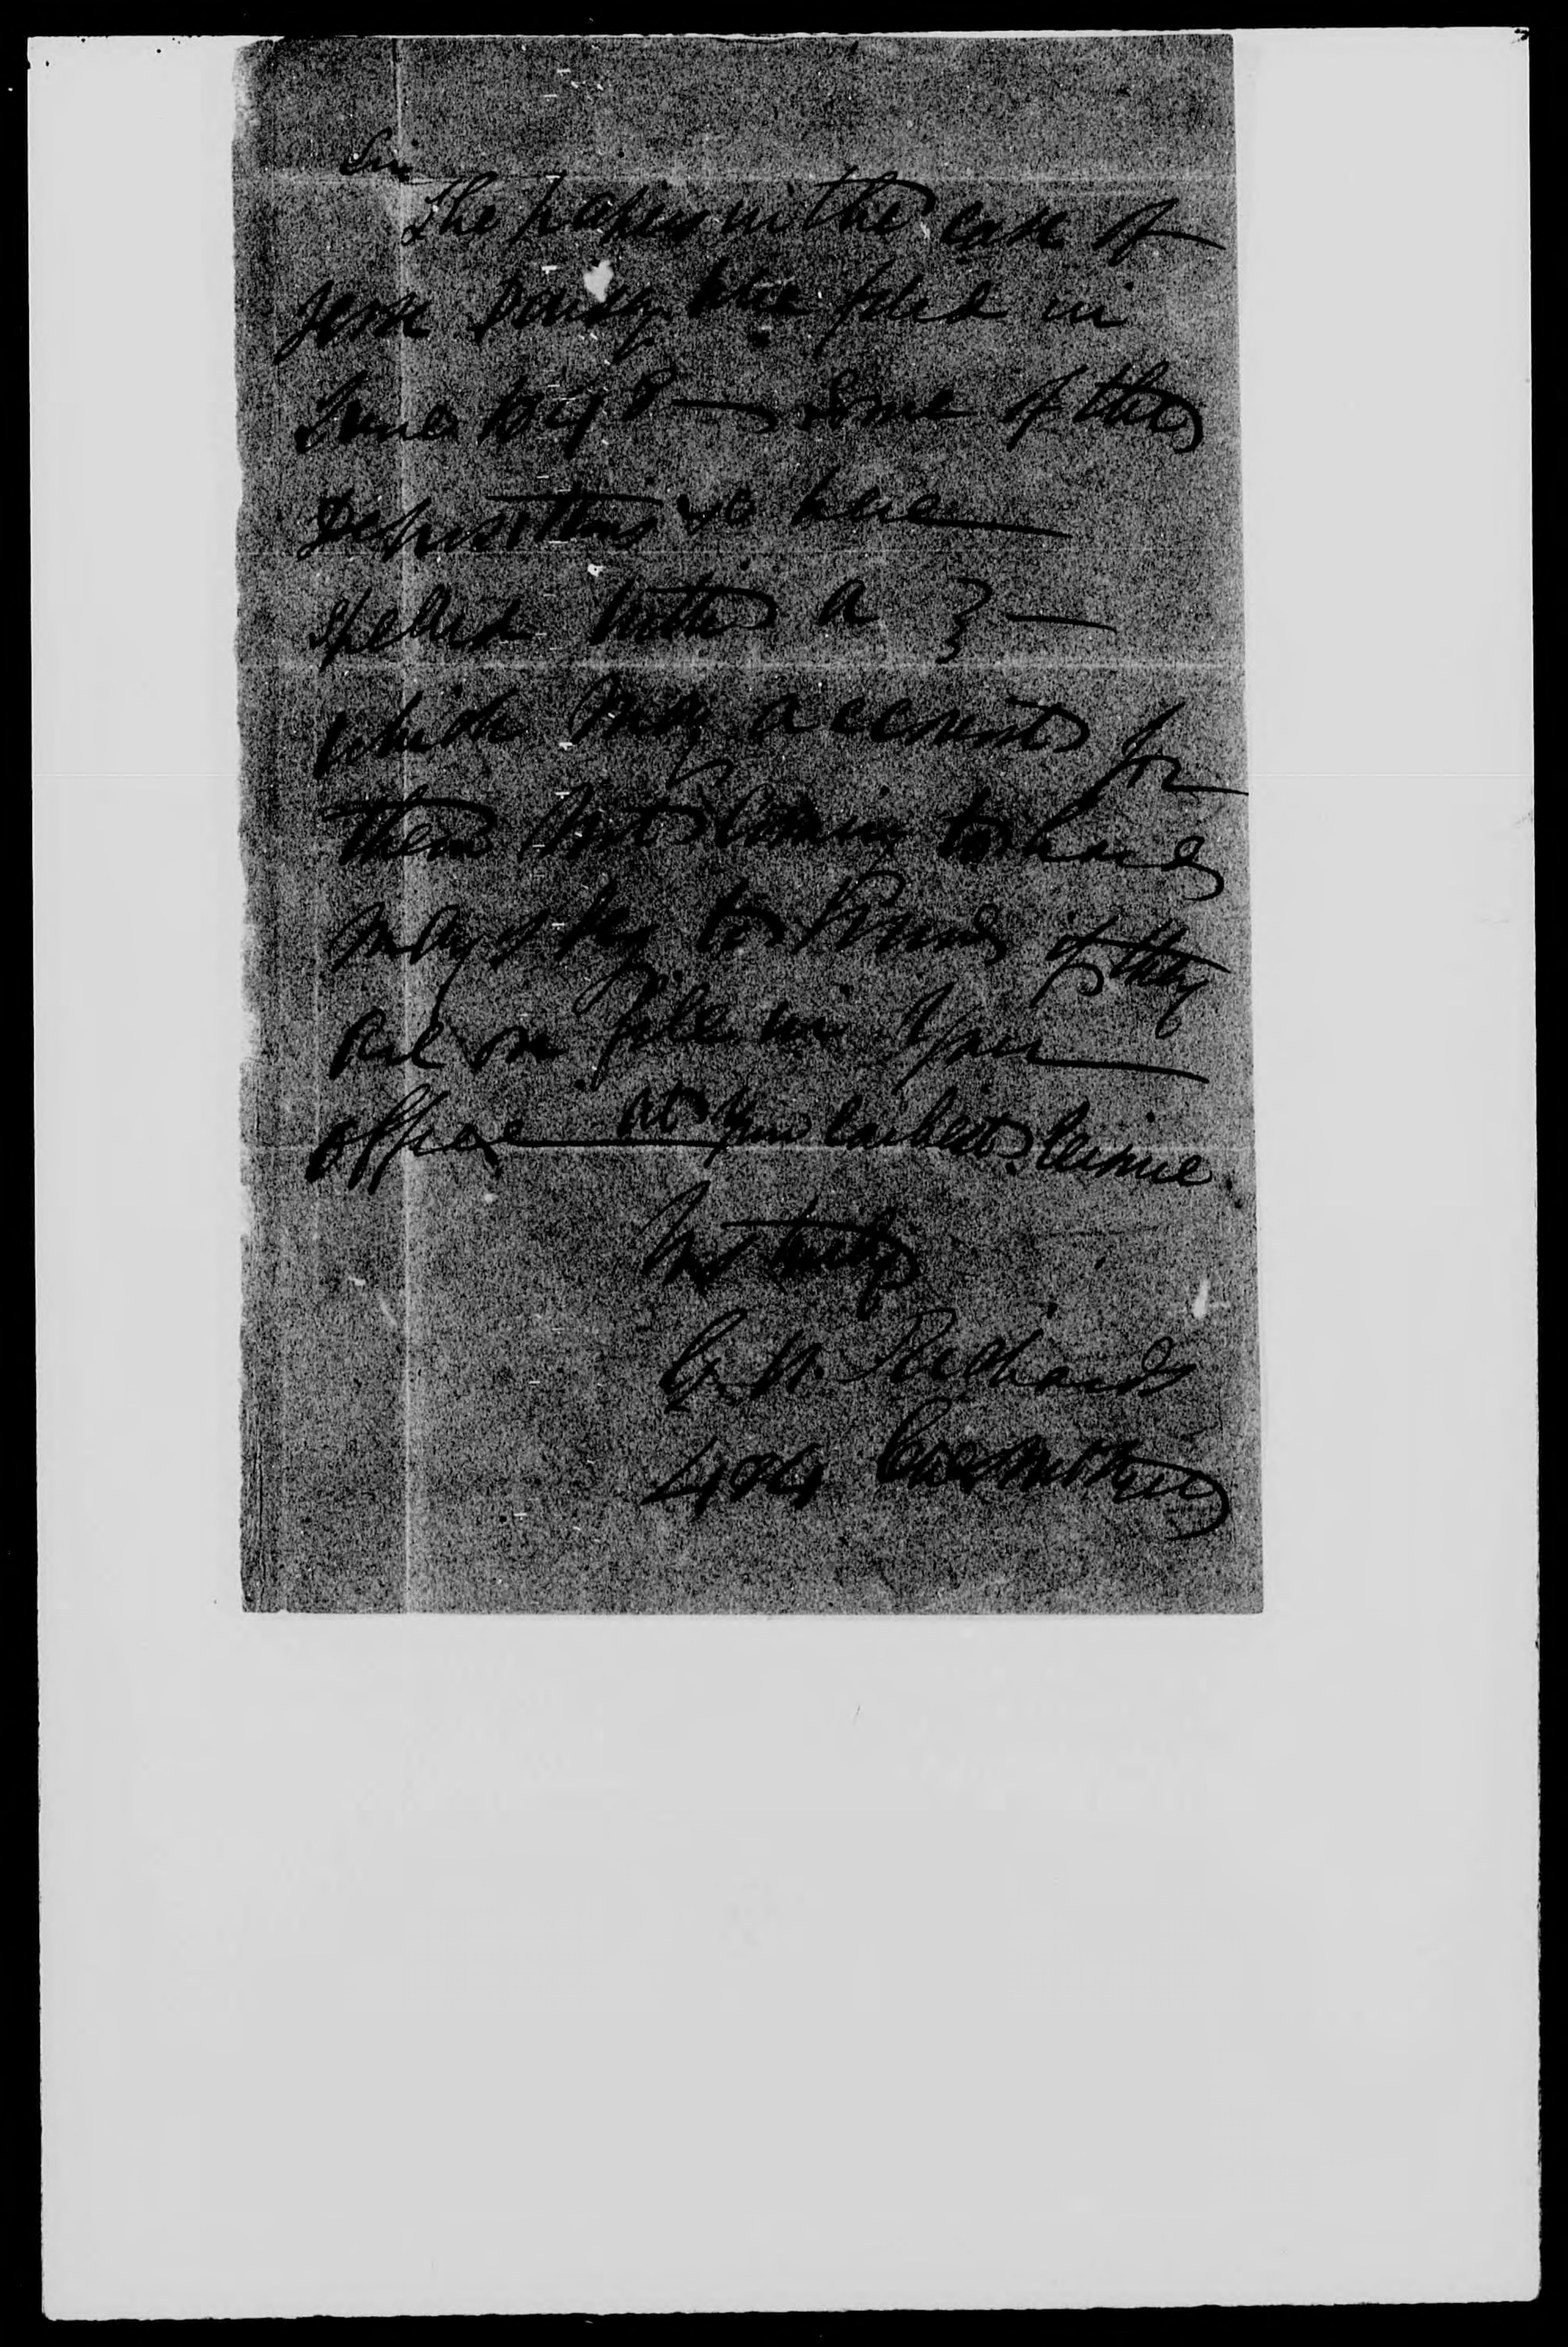Sir, 

The (illegible) in the care of Jesse Daisey (illegible) filed in (illegible)-- Some of the (illegible) shelled(?) with a--- which (illegible) of them  (not coming to hand?) (illegible) to mind of the (illegible) on file in your office. (illegible)

(Illegible)
G. N. Richards
(Illegible)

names: Jesse Daisey, G N Richards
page: 30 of 32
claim: rejected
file: R. 2795, Jesse Dazey, Del.